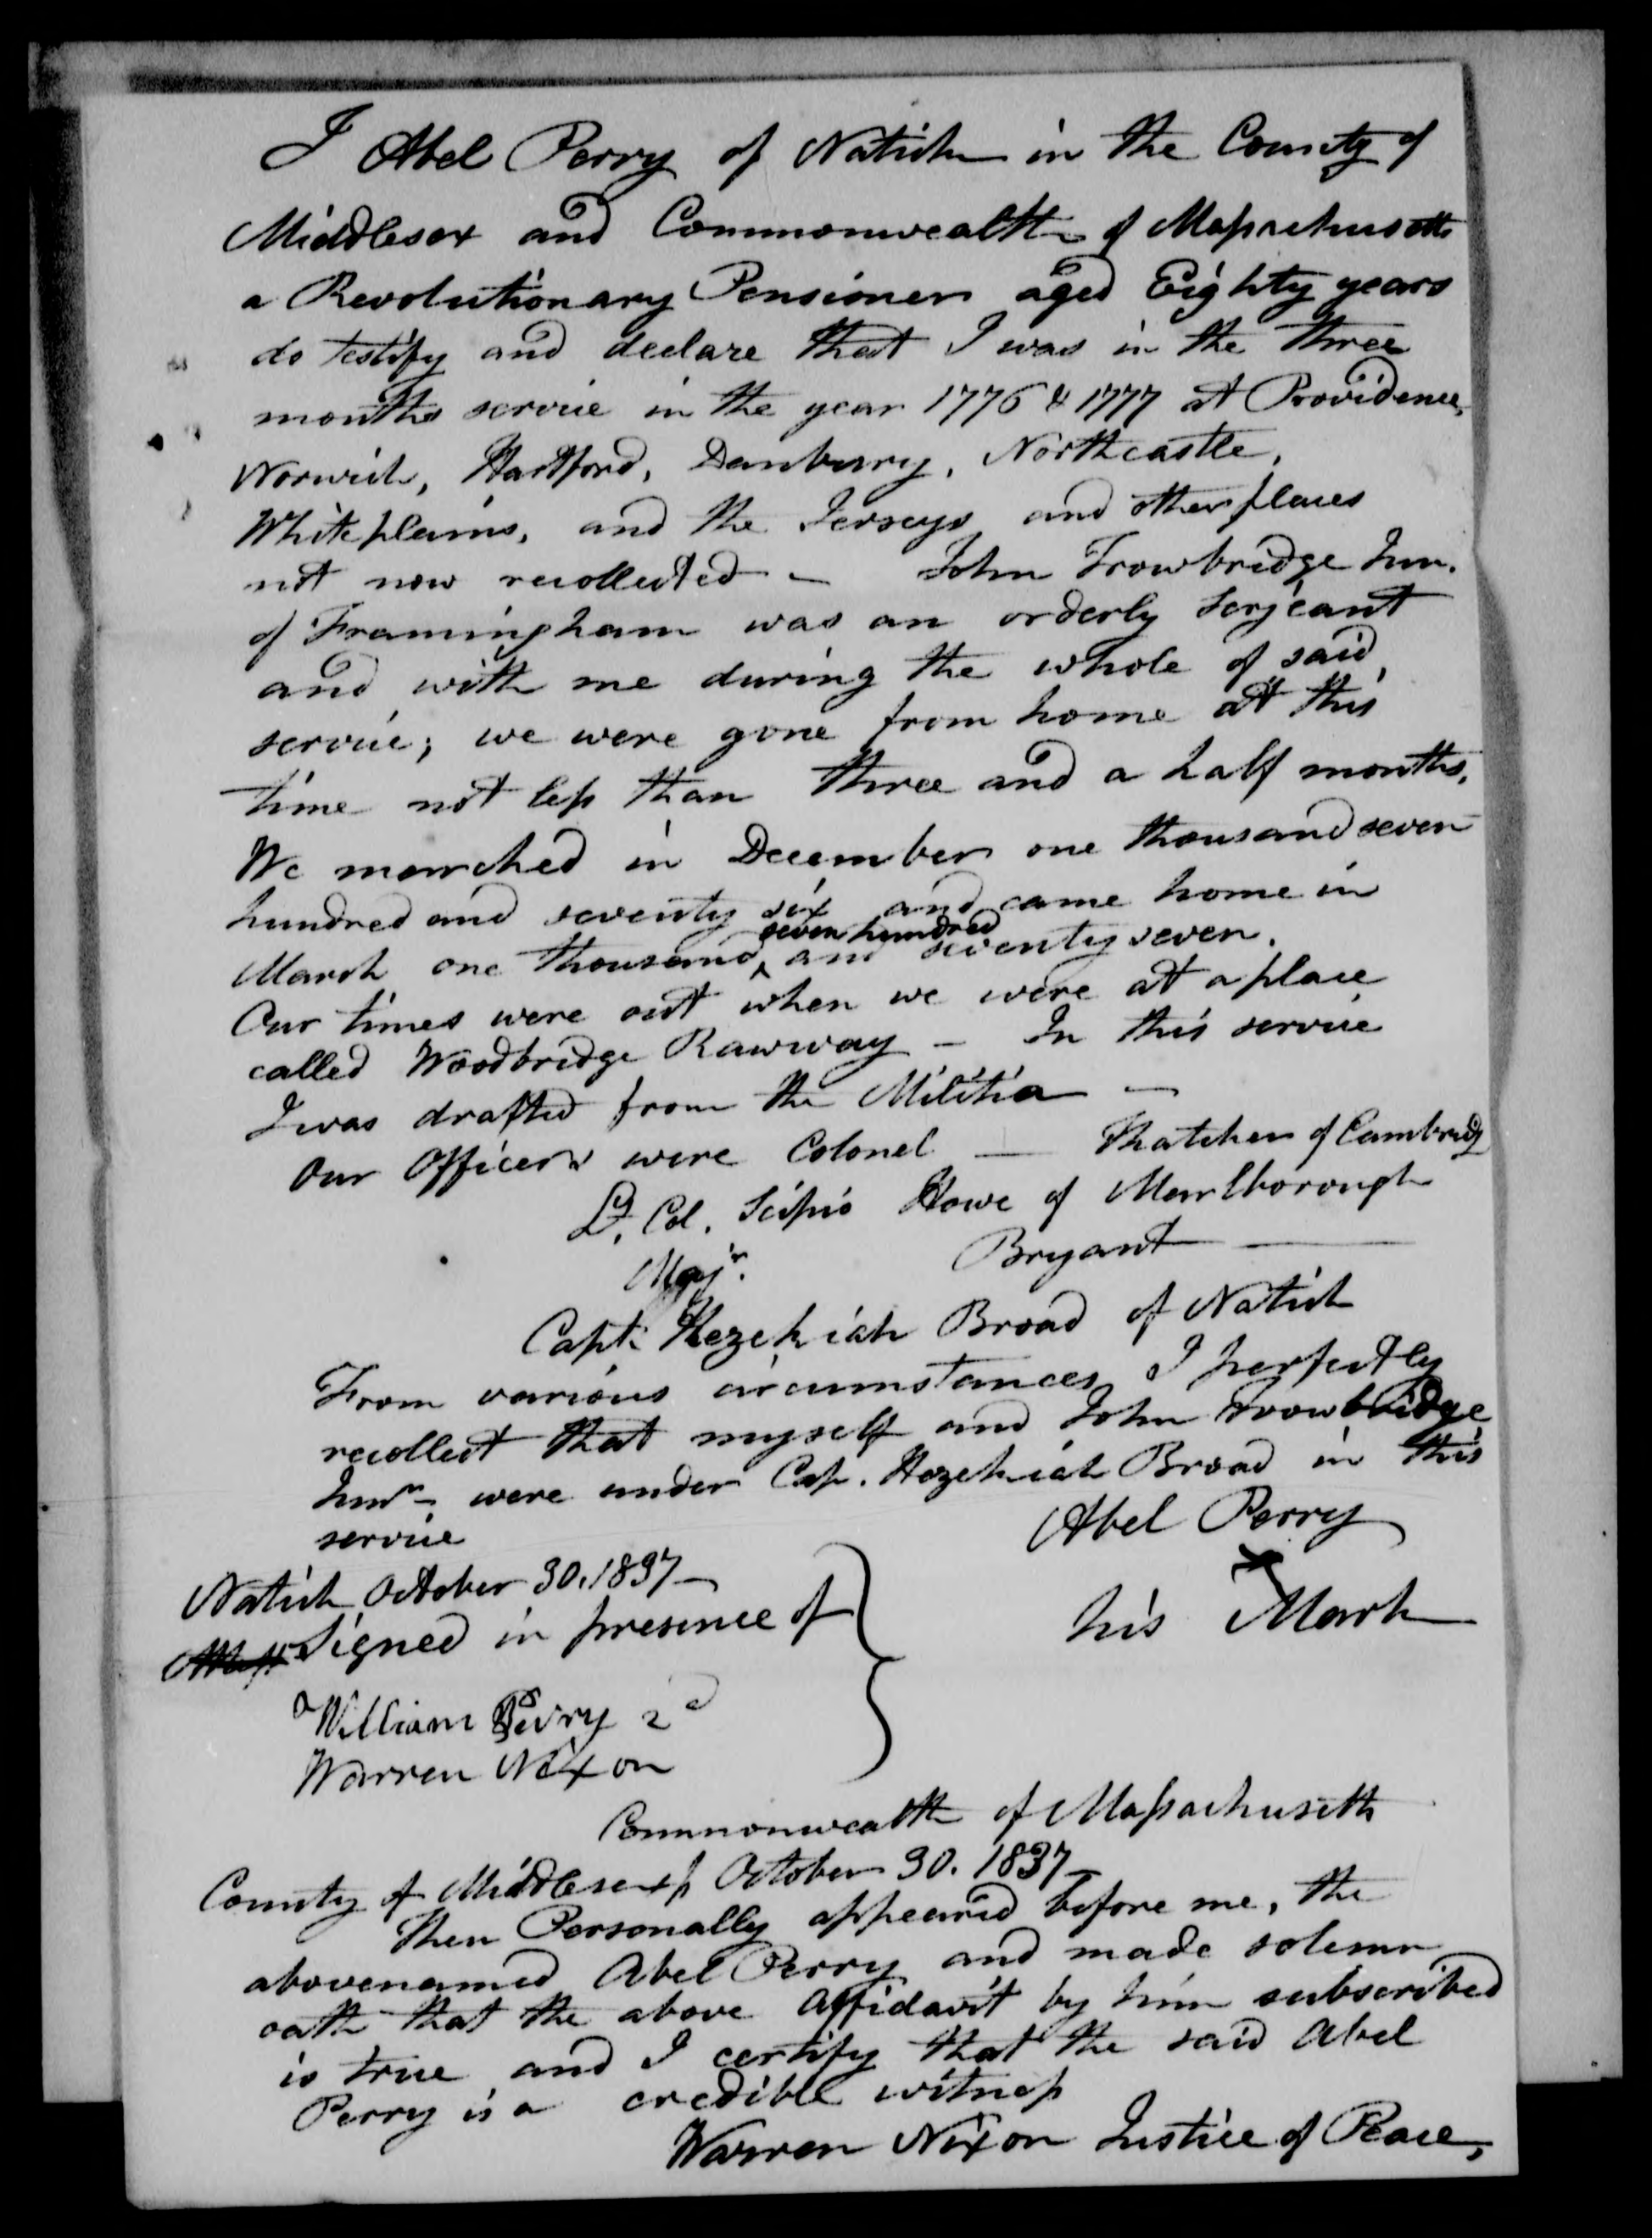I Abel Perry of Natick in the County of
Middlesex and Commonwealth of Massachusetts
a Revolutionary Pensioner aged Eighty years
do testify and declare that I was in the three
months service in the year 1776 & 1777 at Providence,
Norwich, Hartford, Danberry, Northcastle
White Plains, and the Jerseys and other places
not now recollected-- John Trowbridge Jnr.
of Framingham was an orderly serjeant
and with me during the whole of said
service; we were gone from home at this
time not less than three and a half months.
We marched in December one thousand seven
hundred and seventy six and came home in
March one thousand seventy seven
our times were out when we were at a place called
Woodbridge Rawway. In this service
I was drafted from the Militia
our officers were Colonel Thatcher of Cambridge
Lt. Col. Scipio Howe of Marlborough
Maj Bryant
Capt Hezekiah Broad of Natick
From various circumstances I perfectly
recollect that myself and John Trowbridge Jnr
him were under Cap. Hezekiah Broad in this
service
Natick October 30, 1837-
Abel Perry
X
his Mark
Signed in presence of
William Perry 2d
Warren Nixon
Commonwealth of Massachusetts
County of Middlesex October 30. 1837
Then Personally appeared before me, the abovenamed Abel Perry and made solemn
oath that the above affidavit by him subscribed
is true and I certify that the said Abel
Perry is a credible witness
Warren Nixon Justice of Peace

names: Hezekiah Broad, William Perry, Abel Perry, John Trowbridge, Abel Perry, Warren Nixon, Abel Perry, Seipio Howe, Abel Perry, Warren Nixon, Bryant, John Trowbridge, Hezekiah Broad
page: 33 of 34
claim: widow's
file: W. 15439, John Trowbridge, Mass.